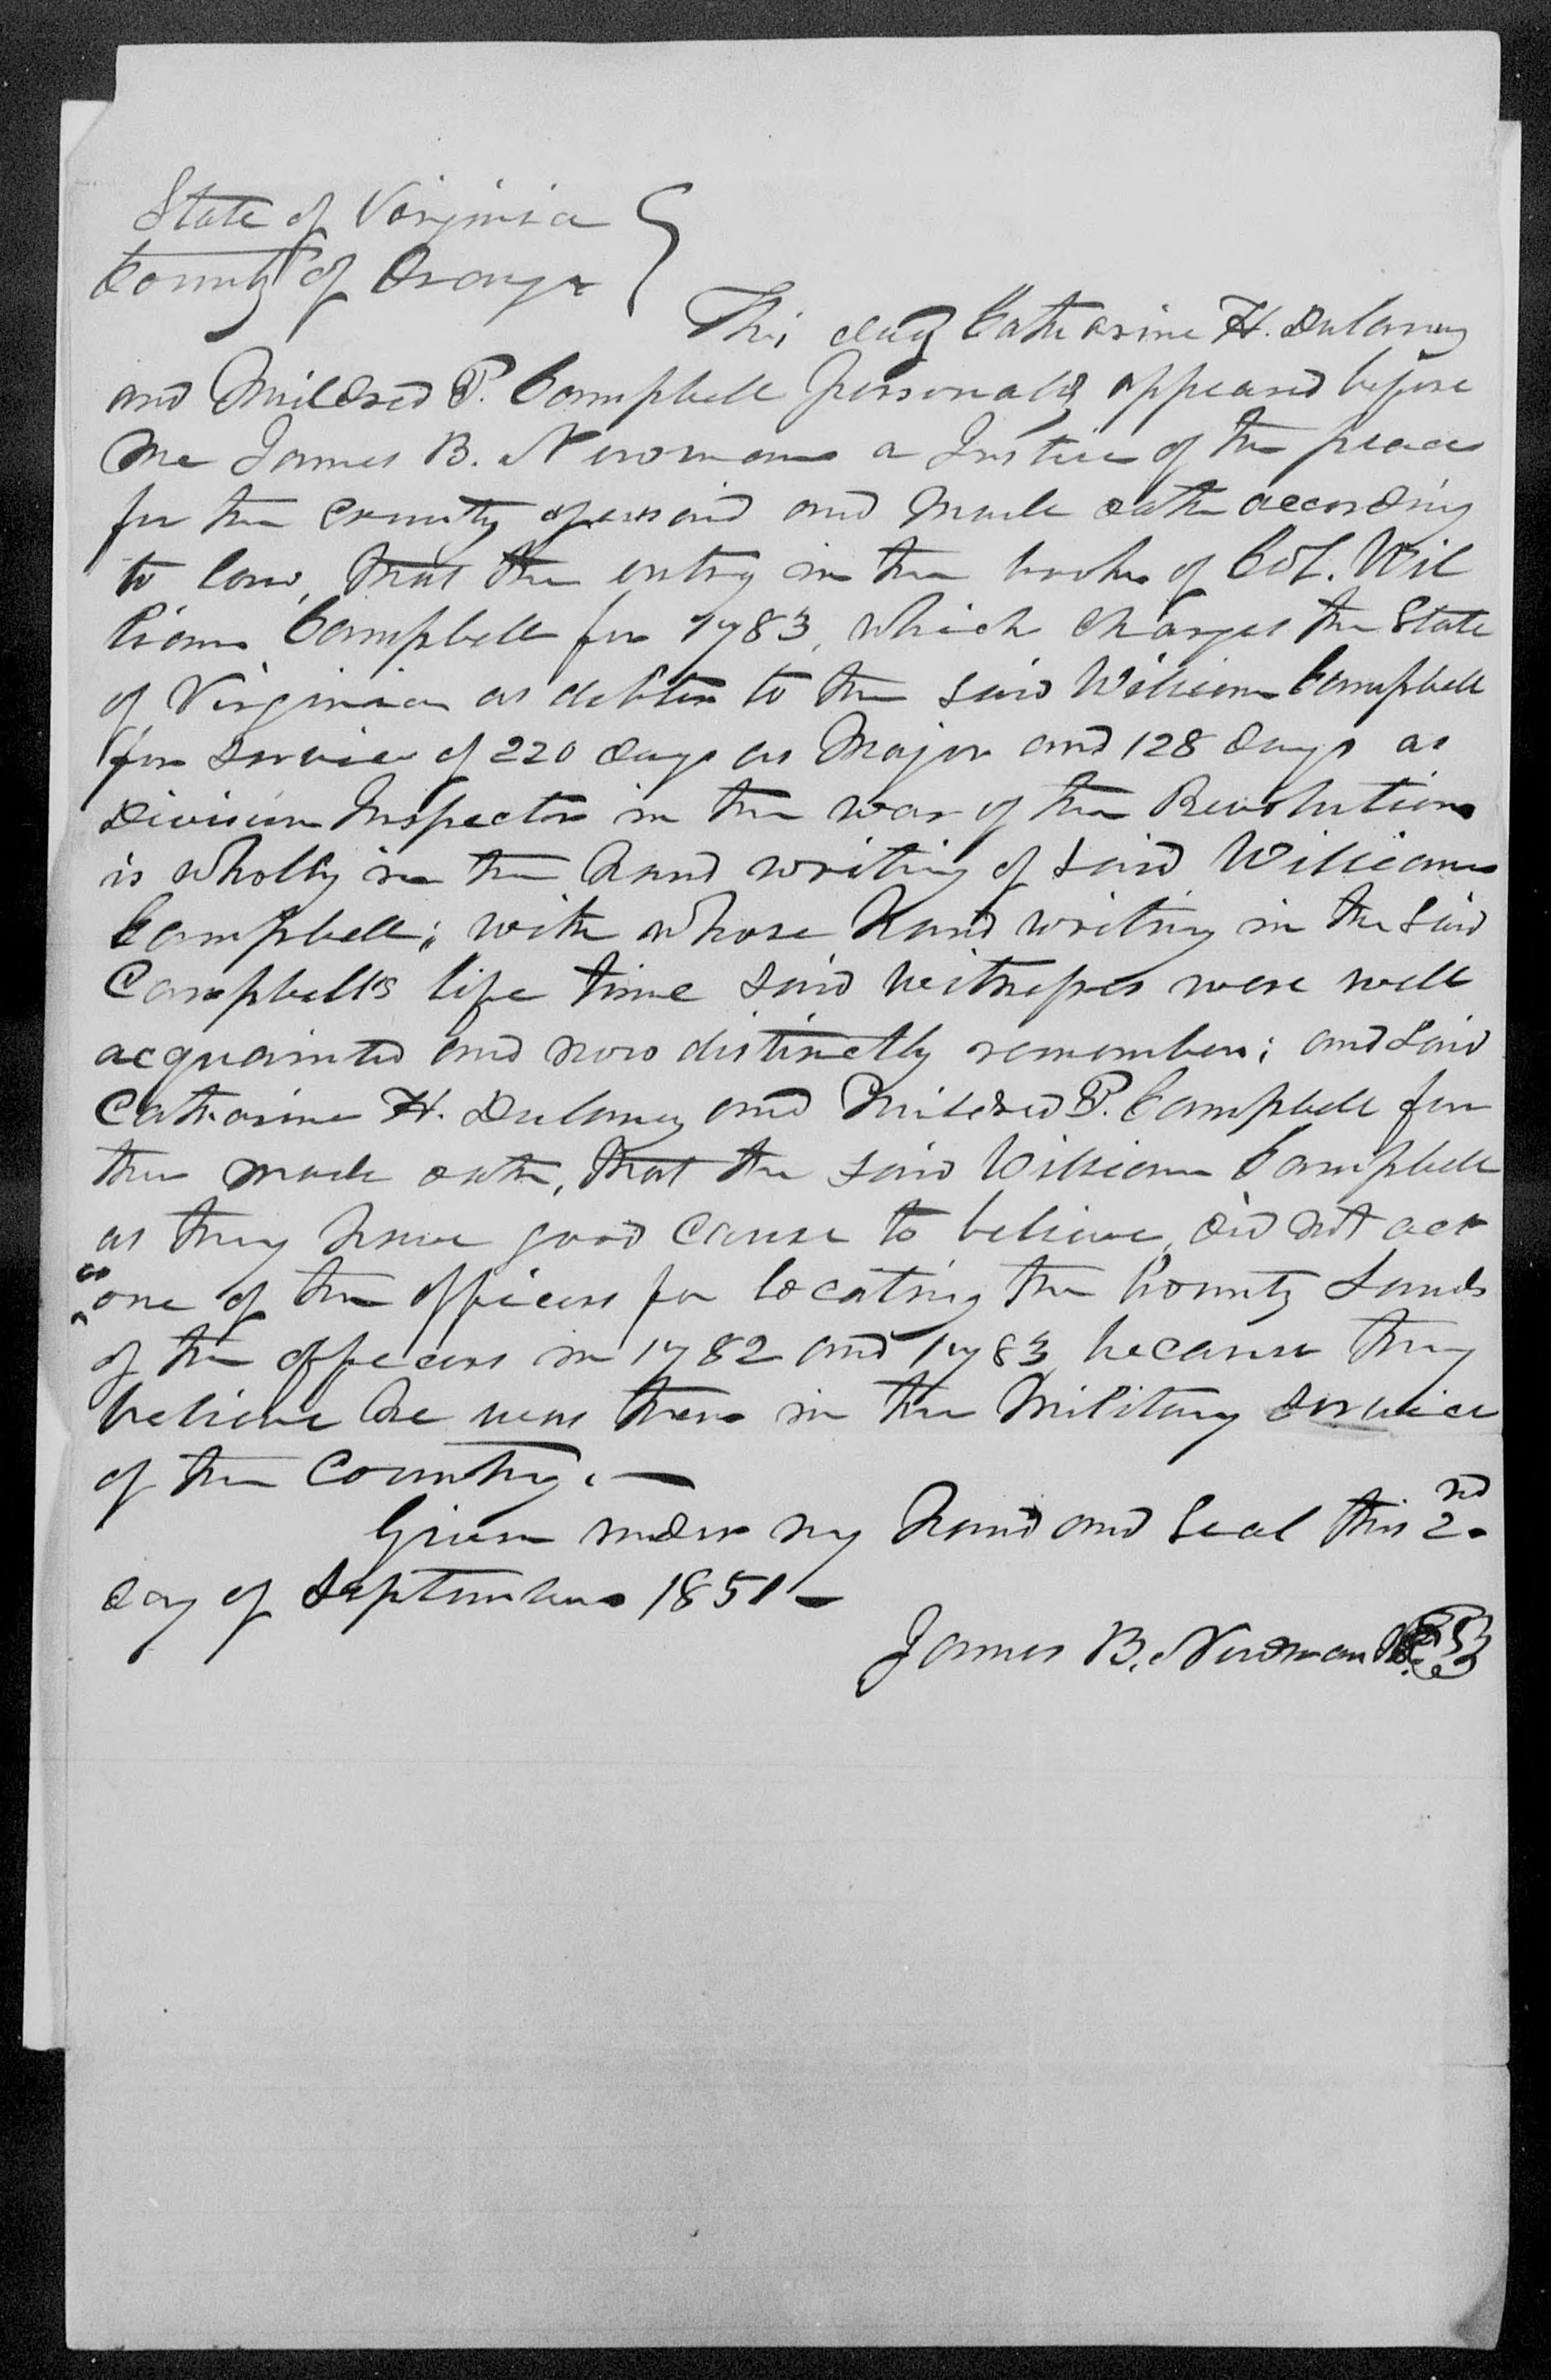State of Virginia
County of Orange
This day Catherine H. Dulaney and Mildred P. Campbell personally appeared before me James B. Newman a Justice of the Peace for the County of Orange and make oaths according to law that the entry on the books of Col. William [illegible] Campbell for 1783 which Orange  the state of Virginia as [illegible] to the said William  Campbell for services of 220 days as Major and 128 days as Division Inspector in the war of the Revolution is wholly in the hand writing of said William Campbell; with whose hand writing in the said Campbell's life time 
said witnesses were well acquainted and  now distinctly remember; and said Catherine H. Dulaney and Mildred P. Campbell fix their mark
as they have good cause to believe did not act
as one of the officers for locating the bounty lands of the officers in 1782 and 1783 because they believe he was there in the Military Service  of the country.

Given under my hand and seal this 2nd day of September 1851-         James B. Newman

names: James B Newman, Campbell, James B Newman, William Campbell, Mildred P Campbell, Catharine H Dulaney, William Campbell, Mildred P Campbell, William Campbell, Catharine H Dulaney, William Campbell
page: 216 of 267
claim: widow's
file: W. 4,149, William Campbell, Va.